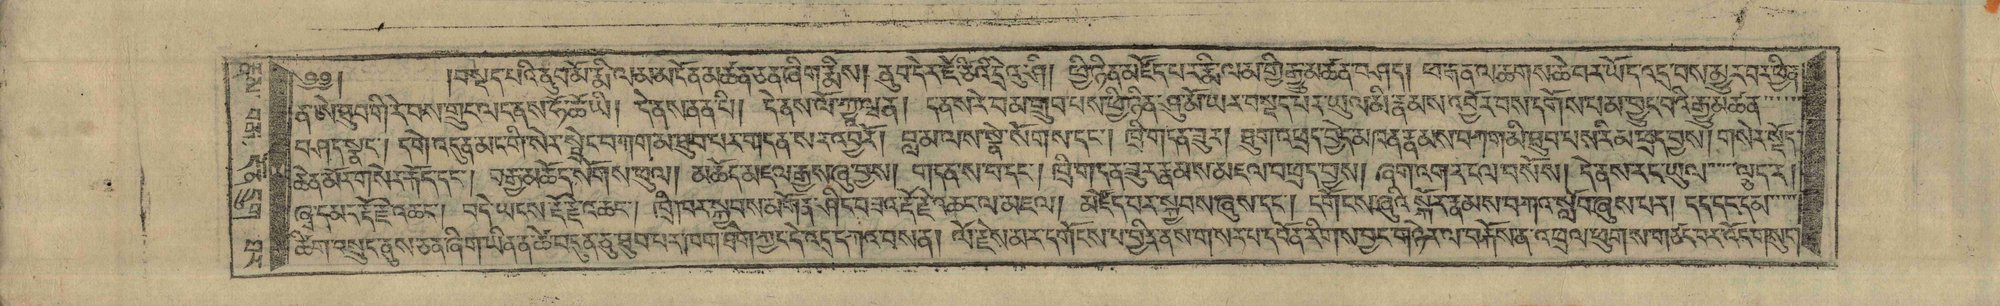༄༅། །བསྡད་པའི་ནུབ་མོ་རྨི་ལམ་མངོན་མཚན་ཅན་ཞིག་རྨིས། ནུབ་དེར་ཇོ་ཙིའི་དྲེའུ་ཤི། ཕྱི་ཉིན་མཛོད་པར་རྨི་ལམ་གྱི་རྒྱུ་མཚན་བཤད། ཕ་རྒན་ལ་ཆགས་ཆེ་བར་ཡོད་འདྲ་བས་མྱུར་བར་ཕྱིན་
ན་ཨེ་ཐུབ་གི་རེ་བས་གྲུང་ལང་ནས་ཧོ་ཆོ་ཡི། དེ་ནས་ནན་པི། དེ་ནས་ལོ་ཀྱཱ་ཝ་ན། ད་ནས་རེ་བ་མ་གྲུབ་པས་ཕྱི་ཉིན་ཤུ་མོ་ཡར་བསྡད་པར་ཡུལ་མི་རྣམས་འབྱོར་བས་དགོས་པ་མ་བྱུང་བའི་རྒྱུ་མཚན་
བཤད་སྣང་། དགེ་འདུན་མང་གི་སེར་སྦྲེང་བཀག་མ་ཐུབ་པར་གདན་སར་འབྱོར། བླ་མ་ལས་སྣེ་སོགས་དང་། ཁྲི་གདན་ཟུར། ཐུག་འཕྲད་བྱེད་མཁན་རྣམས་བཀག་མི་ཐུབ་པས་རིམ་ཕྲད་བྱས། གསེར་སྡོད་
ཆེན་མོར་གསེར་རྐོད་དང་། བརྒྱ་མཆོད་སོགས་ཕུལ། མཆོད་མཇལ་རྒྱས་ཞུ་བྱས། གདན་ས་པ་དང་། ཁྲི་གདན་ཟུར་རྣམས་མཇལ་འཕྲད་བྱས། ཞག་འགར་ངལ་བསོས། དེ་ནས་རང་ཡུལ་ལྕད་ར།
ཞྭ་དམར་རྡོ་རྗེ་འཆང་། བདེ་ཡངས་རྡོ་རྗེ་འཆང་། ཁྲི་ཁར་སྐྱབས་མགོན་ཤིང་བཟའ་རྡོ་རྗེ་འཆང་ལ་མཇལ། མཛོད་པར་སྐྱབས་ཞུས་དང་། དགོངས་ཞུའི་སྐོར་རྣམས་བཀའ་སློབ་ཞུས་པར། དད་དང་དམ་
ཚིག་བསྲུང་ནུས་ཅན་ཞིག་ཡིན་ན་ཚེ་བདུན་ཅུ་ཐུབ་པར་ཁག་ཐེག་ཀྱང་དེ་འདྲ་དཀའ་བསན། ལོ་རྗེས་མར་དགོངས་པ་བྱིན་ནས་གསར་པ་དབོན་རིགས་བྱང་གཉེར་ལ་བརྐོས་ན་འཕྲལ་ཕུགས་གཙང་བར་འོང་གསུང་